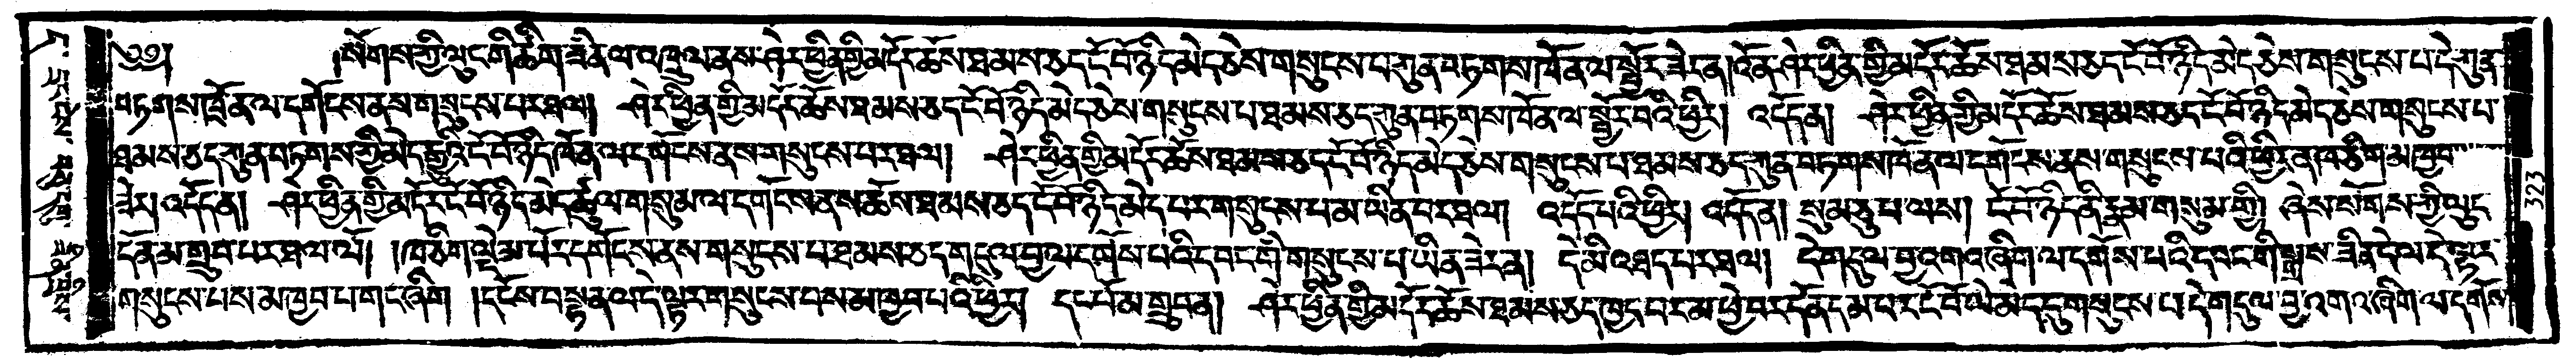༄༅། །སོགས་ཀྱི་ལུང་གི་ཚིག་ཟིན་ལ་འཁྲུལ་ནས་ཤེར་ཕྱིན་གྱི་མདོར་ཆོས་ཐམས་ཅད་ངོ་བོ་ཉིད་མེད་ཅེས་གསུངས་པ་ཀུན་བཏགས་ཁོ་ན་ལ་སྦྱོར་ཟེར་ན། འོན་ཤེར་ཕྱིན་གྱི་མདོར་ཆོས་ཐམས་ཅད་ངོ་བོ་ཉིད་མེད་ཅེས་གསུངས་པ་དེ་ཀུན་
བཏགས་ཁྲོ་ན་ལ་དགོངས་ནས་གསུངས་པར་ཐལ། ཤེར་ཕྱིན་གྱི་མདོར་ཆོས་ཐམས་ཅད་ངོ་བོ་ཉིད་མེད་ཅེས་གསུངས་པ་ཐམས་ཅད་ཀུན་བཏགས་ཁོ་ན་ལ་སྦྱོར་བའི་ཕྱིར། འདོད་ན། ཤེར་ཕྱིན་གྱི་མདོར་ཆོས་ཐམས་ཅད་ངོ་བོ་ཉིད་མེད་ཅེས་གསུངས་པ་
ཐམས་ཅད་ཀུན་བཏགས་ཀྱི་མེད་རྒྱུའི་ངོ་བོ་ཉིད་ཁོ་ན་ལ་དགོངས་ནས་གསུངས་པར་ཐལ། ཤེར་ཕྱིན་གྱི་མདོར་ཆོས་ཐམས་ཅད་ངོ་བོ་ཉིད་མེད་ཅེས་གསུངས་པ་ཐམས་ཅད་ཀུན་བཏགས་ཁོ་ན་ལ་དགོངས་ནས་གསུངས་པའི་ཕྱིར་ན་ཁ་ཅིག་མ་ཁྱབ་
ཟེར། འདོད་ན། ཤེར་ཕྱིན་གྱི་མདོར་ངོ་བོ་ཉིད་མེད་ཚུལ་གསུམ་ལ་དགོངས་ནས་ཆོས་ཐམས་ཅད་ངོ་བོ་ཉིད་མེད་པར་གསུངས་པ་མ་ཡིན་པར་ཐལ། འདོད་པའི་ཕྱིར། འདོད་ན། སུམ་ཅུ་པ་ལས། ངོ་བོ་ཉིད་ནི་རྣམ་གསུམ་གྱི། ཞེས་སོགས་ཀྱི་ལུང་
དོན་མ་གྲུབ་པར་ཐལ་ལོ། །ཁ་ཅིག་ལྡེམ་པོར་དགོངས་ནས་གསུངས་པ་ཐམས་ཅད་གདུལ་བྱ་ལ་དགོས་པའི་དབང་གི་གསུངས་པ་ཡིན་ཟེར་ན། དེ་མི་འཐད་པར་ཐལ། དེ་གདུལ་བྱ་འགའ་ཞིག་ལ་དགོས་པའི་དབང་གི་སྒྲས་ཟིན་དེ་ལ་དེ་ལྟར་
གསུངས་པས་མ་ཁྱབ་པ་གང་ཞིག །དངོས་བསྟན་ལ་དེ་ལྟར་གསུངས་པས་མ་ཁྱབ་པའི་ཕྱིར། དང་པོ་མ་གྲུབ་ན། ཤེར་ཕྱིན་གྱི་མདོར་ཆོས་ཐམས་ཅད་ཁྱད་པར་མ་ཕྱེ་བར་དོན་དམ་པར་ངོ་བོ་ཡེ་མེད་དུ་གསུངས་པ་དེ་གདུལ་བྱ་འགའ་ཞིག་ལ་དགོས་